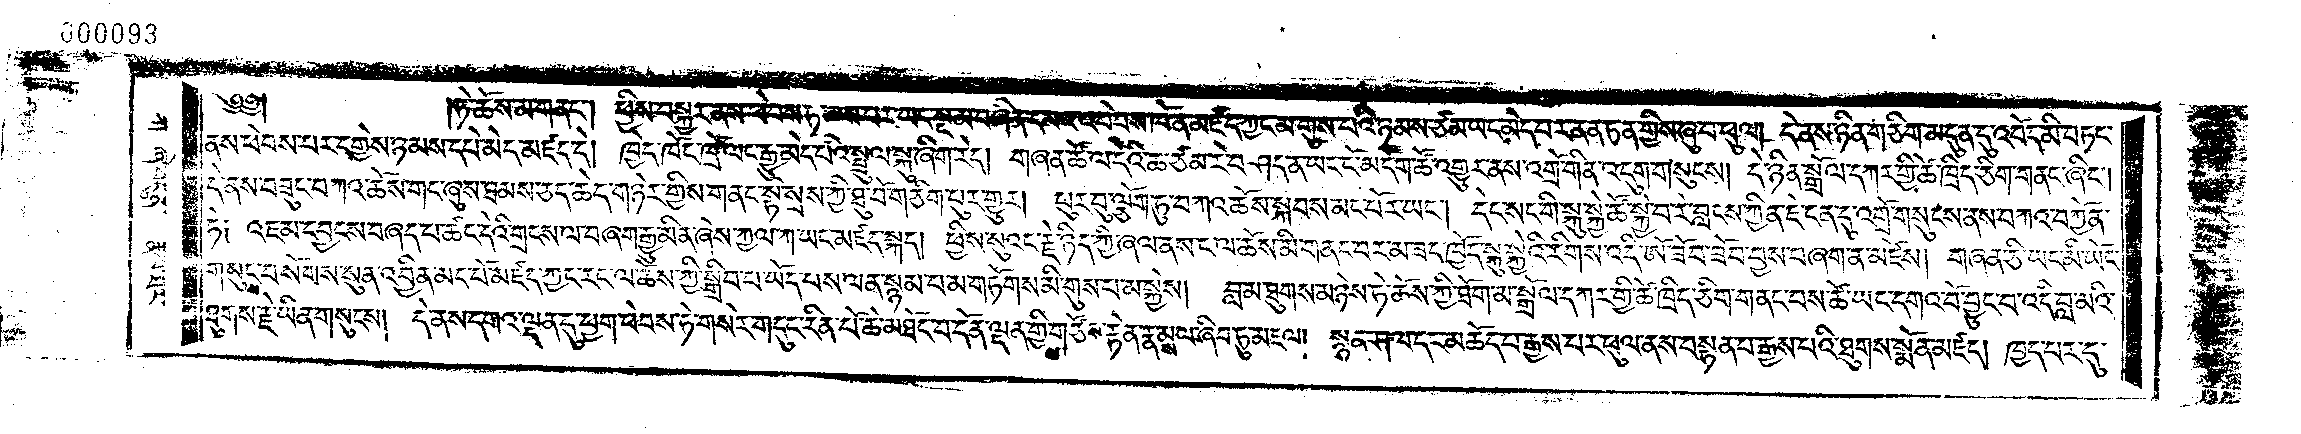༄༅། །ཏེ་ཆོས་མ་གནང་། ཕྱིས་བསྐྱར་ནས་ཕེབས་ཏེ་ཞུས་པར་ཡང་སྔ་མ་བཞིན་དམའ་འབེབས་ཁོ་ན་མཛད་ཀྱང་མ་གུས་པའི་ཉམས་ཙམ་ཡང་མེད་པར་ནན་ཏན་གྱིས་ཞུ་བ་ཕུལ། དེ་ནས་ཉིན་གཅིག་མདུན་དུ་འབོད་མི་བཏང་
ནས་ཕེབས་པར་དགྱེས་ཉམས་དཔེ་མེད་མཛད་དེ། ཁྱེད་ཁོང་ཁྲོ་ལང་རྒྱུ་མེད་པའི་སྤྲུལ་སྐུ་ཞིག་རེད། གཞན་ཚོ་ལ་དེའི་ཆ་ཙམ་རེ་བཤད་ན་ཡང་ངོ་མདོག་ཚོ་འགྱུར་ནས་འགྲོ་གིན་འདུག་གསུངས། དེ་ཉིན་སྒྲོལ་དཀར་གྱི་ཚེ་ཁྲིད་ཅིག་གནང་ཞིང་།
དེ་ནས་བཟུང་བཀའ་ཆོས་གང་ཞུས་ཐམས་ཅད་ཆེད་གཉེར་གྱིས་གནང་སྟེ་སྲས་ཀྱི་ཐུ་བོ་གཅིག་པུར་གྱུར། ཕུར་བུ་ལྕོག་ཏུ་བཀའ་ཆོས་སྐབས་མང་པོར་ཡང་། དེང་སང་གི་སྐུ་སྐྱེ་ཚོ་སྐྱེ་བ་རེ་བླངས་ཀྱིན་ཇེ་ངན་དུ་འགྲོ་གསུངས་ནས་བཀའ་བཀྱོན་
ཏེ༑ འཇམ་དབྱངས་བཞད་པ་ཚང་དེའི་གྲངས་ལ་བཞག་རྒྱུ་མིན་ཞེས་ཀྱལ་ཀ་ཡང་མཛད་སྐད། ཕྱིས་སུའང་རྗེ་ཉིད་ཀྱི་ཞལ་ནས་ང་ལ་ཆོས་མི་གནང་བར་མ་ཟད་ཁྱོད་སྐུ་སྐྱེའི་རིགས་འདི་ཨོ་ཟོབ་ཟོབ་བྱས་བཞག་ན་མཛེས། གཞན་ཅི་ཡང་མི་ཡོང་
གསུངས་བ་སོགས་སུན་འབྱིན་མང་པོ་མཛད་ཀྱང་རང་ལ་ཆོས་ཀྱི་སྒྲིབ་པ་ཡོད་པས་ལན་སྙམ་པ་མ་གཏོགས་མི་གུས་པ་མ་སྐྱེས། བླ་མ་ཐུགས་མཉེས་ཏེ་ཆོས་ཀྱི་ཐོག་མ་སྒྲོལ་དཀར་གྱི་ཚེ་ཁྲིད་ཅིག་གནང་བས་ཚེ་ཡང་དགའ་བོ་བྱུང་བ་འདི་བླ་མའི་
ཐུགས་རྗེ་ཡིན་གསུངས། དེ་ནས་དགའ་ལྡན་དུ་ཕྱག་ཕེབས་ཏེ་གསེར་གདུང་རིན་པོ་ཆེ་མཐོང་བ་དོན་ལྡན་གྱི་གཙོས་རྟེན་རྣམས་ལ་ཞིབ་ཏུ་མཇལ། སྙན་ཤལ་དང་མཆོད་པ་རྒྱས་པར་ཕུལ་ནས་བསྟན་བ་རྒྱས་པའི་ཐུགས་སྨོན་མཛད། ཁྱད་པར་དུ་